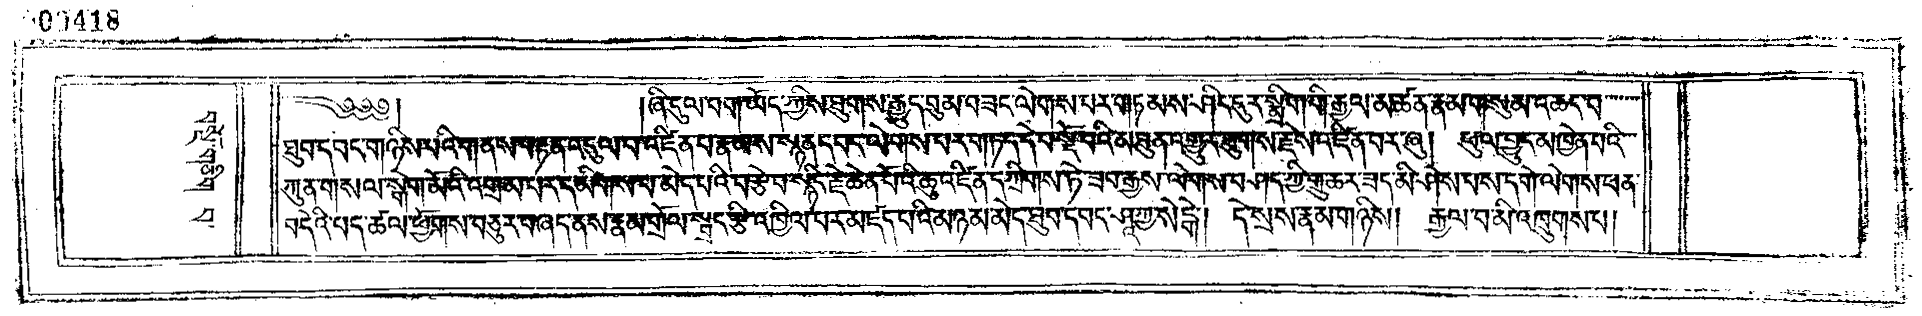༄༅༅། །ཞི་དུལ་བག་ཡོད་ཀྱིས་ཐུགས་རྒྱུད་བུམ་བཟང་ལེགས་པར་གཏམས་ཤིང་ངུར་སྨྲིག་གི་རྒྱལ་མཚན་རྣམ་གསུམ་འཆང་བ་
ཐུབ་དབང་གཉིས་པའི་གནས་བརྟན་འདུལ་བ་འཛིན་པ་རྣམས་སྙན་དབང་ལེགས་པར་གཏད་དེ་བསྔོ་བའི་མཐུན་འགྱུར་ཐུགས་རྗེས་འཛིན་པར་ཞུ། ཕུལ་བྱུང་མཁྱེན་པའི་
ཀུན་གསལ་སྒེག་མོའི་འགྲམ་པར་དམིགས་པ་མེད་པའི་བརྩེ་བ་སྙིང་རྗེ་ཆེན་པོའི་ཆུ་འཛིན་དཀྲིགས་ཏེ་ཟབ་རྒྱས་ལེགས་བཤད་ཀྱི་གྲུ་ཆར་ཟད་མི་ཤེས་པས་དགེ་ལེགས་ཕན་
བདེའི་པད་ཚལ་ཕྱོགས་བཅུར་བཞད་ནས་རྣམ་གྲོལ་སྦྲང་རྩི་འཁྱིལ་པར་མཛད་པའི་མཉམ་མེད་ཐུབ་དབང་ཤཱཀྱ་སེངྒེ། དེ་སྲས་རྣམ་གཉིས། རྒྱལ་བ་མི་འཁྲུགས་པ།